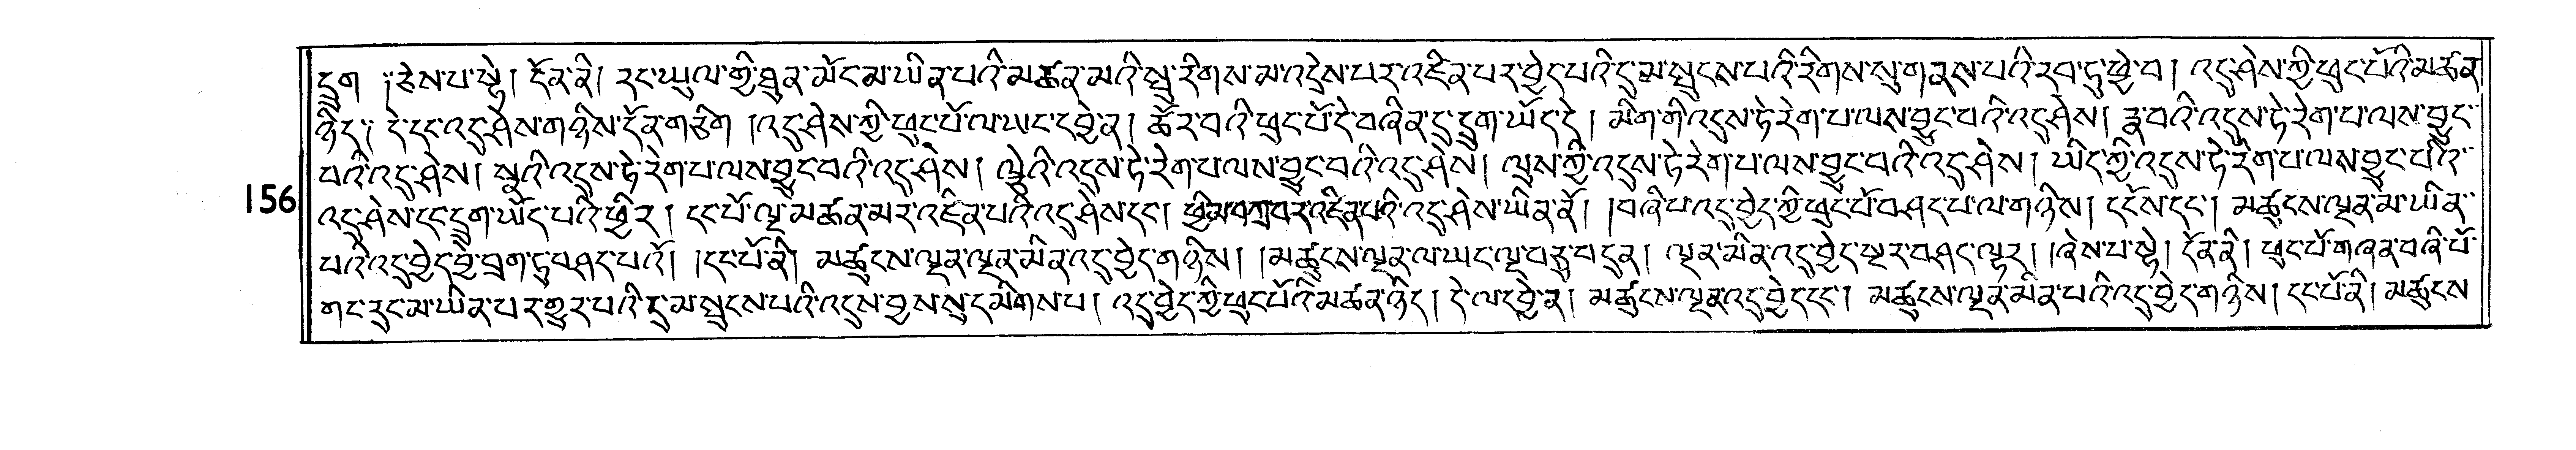དྲུག ༑ཅེས་པ་སྟེ། དོན་ནི། རང་ཡུལ་གྱི་ཐུན་མོང་མ་ཡིན་པའི་མཚན་མའི་སྤུ་རིགས་མ་འདྲེས་པར་འཛིན་པར་བྱེད་པའི་དུ་མ་སྤུངས་པའི་རིགས་སུ་གནས་པའི་རབ་ཏུ་ཕྱེ་བ། འདུས་ཤེས་ཀྱི་ཕུང་པོའི་མཚན་
ཉིད༑ དེ་དང་འདུ་ཤེས་གཉིས་དོན་གཅིག །འདུ་ཤེས་ཀྱི་ཕུང་པོ་ལ་ཡང་དབྱེ་ན། ཚོར་བའི་ཕུང་པོ་དེ་བཞིན་དུ་དྲུག་ཡོད་དེ། མིག་གི་འདུས་ཏེ་རེག་པ་ལས་བྱུང་བའི་འདུ་ཤེས། རྣ་བའི་འདུས་ཏེ་རེག་པ་ལས་བྱུང་
བའི་འདུ་ཤེས། སྣའི་འདུས་ཏེ་རེག་པ་ལས་བྱུང་བའི་འདུ་ཤེས། ལྕེའི་འདུས་ཏེ་རེག་པ་ལས་བྱུང་བའི་འདུ་ཤེས། ལུས་ཀྱི་འདུས་ཏེ་རེག་པ་ལས་བྱུང་བའི་འདུ་ཤེས། ཡིད་ཀྱི་འདུས་ཏེ་རེག་པ་ལས་བྱུང་བའི་
འདུ་ཤེས་དང་དྲུག་ཡོད་པའི་ཕྱིར། དང་པོ་ལྔ་མཚན་མར་འཛིན་པའི་འདུ་ཤེས་དང་། ཕྱི་མ་བཀྲ་བར་འཛིན་པའི་འདུ་ཤེས་ཡིན་ནོ། །བཞི་པ་འདུ་བྱེད་ཀྱི་ཕུང་པོ་བཤད་པ་ལ་གཉིས། དངོས་དང་། མཚུངས་ལྡན་མ་ཡིན་
པའི་འདུ་བྱེད་བྱེ་བྲག་ཏུ་བཤད་པའོ། །དང་པོ་ནི། མཚུངས་ལྡན་ལྡན་མིན་འདུ་བྱེད་གཉིས། །མཚུངས་ལྡན་ལ་ཡང་ལྔ་བཅུ་བདུན། ལྡན་མིན་འདུ་བྱེད་སྔར་བཤད་ལྟར། །ཞེས་པ་སྟེ། དོན་ནི། ཕུང་པོ་གཞན་བཞི་པོ་
གང་རུང་མ་ཡིན་པར་གྱུར་པའི་དུ་མ་སྤུངས་པའི་འདུས་བྱས་སུ་དམིགས་པ། འདུ་བྱེད་ཀྱི་ཕུང་པོའི་མཚན་ཉིད། དེ་ལ་དབྱེ་ན། མཚུངས་ལྡན་འདུ་བྱེད་དང་། མཚུངས་ལྡན་མིན་པའི་འདུ་བྱེད་གཉིས། དང་པོ་ནི། མཚུངས་